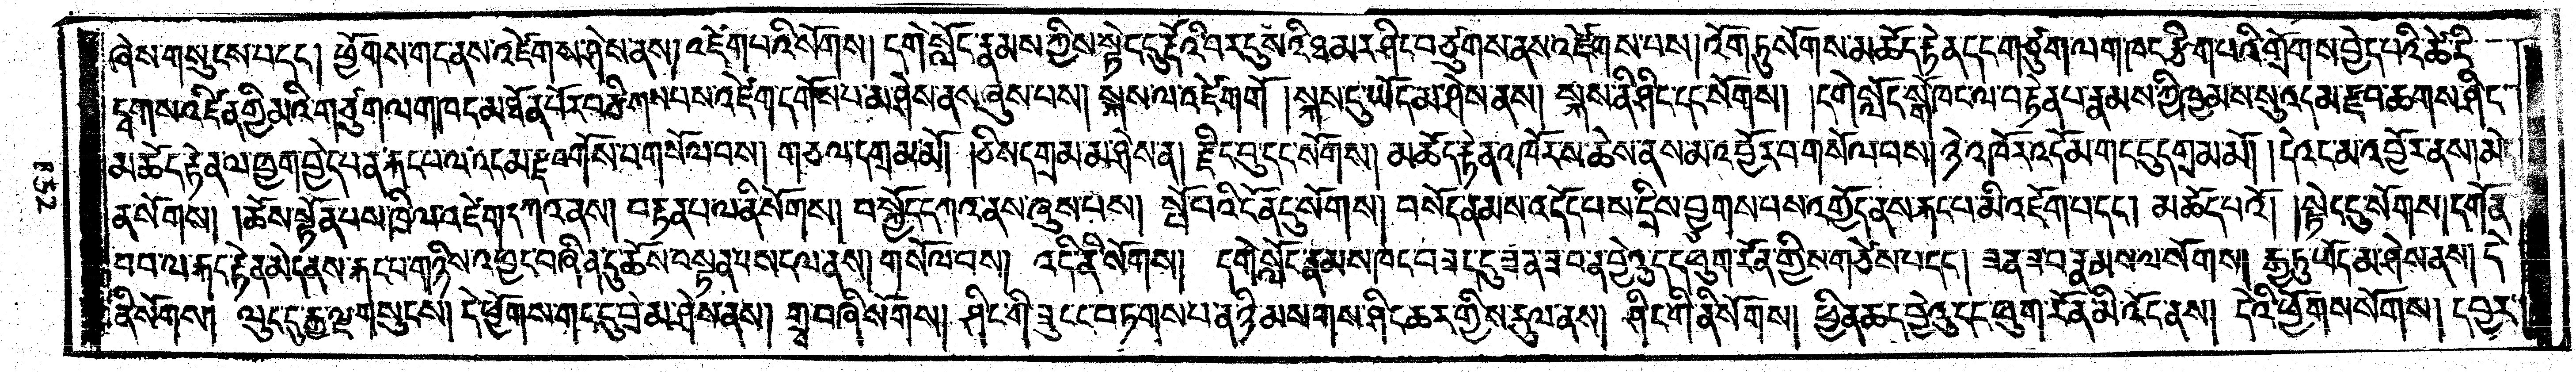ཞེས་གསུངས་པ་དང་། ཕྱོགས་གང་ནས་འཛེགས་ཤེས་ནས། འཛེག་པའི་སོགས། དགེ་སློང་རྣམས་ཀྱིས་སྟེང་དུ་རྡོའི་བར་དུ་སའི་ཐ་མར་ཤིང་བཙུགས་ནས་འཛེགས་པས། འོག་ཏུ་སོགས་མཆོད་རྟེན་དང་གཙུག་ལག་ཁང་རྩིག་པའི་གྲོགས་བྱེད་པའི་ཚེ་དི་
དྭགས་འཛིན་གྱི་མའི་གཙུག་ལག་ཁང་མཐོན་པོར་བརྩིགས་པས་འཛེག་དགོས་པ་མ་ཤེས་ནས་ཞུས་པས། སྐས་ལ་འཛེག་གོ །སྐས་དུ་ཡོད་མ་ཤེས་ནས། སྐས་ནི་ཤིང་དང་སོགས། །དགེ་སློང་སྒོ་ཁང་ལ་བརྟེན་པ་རྣམས་ཀྱི་ཁྱམས་སུ་འདམ་རྫབ་ཆགས་ཤིང་
མཆོད་རྟེན་ལ་ཕྱག་བྱེད་པན་རྐང་པ་ལ་འདམ་རྫབ་གོས་པ་གསོལ་བས། གཅལ་དགྲམ་མོ། །ཅིས་དགྲམ་མ་ཤེས་ན། རྫིང་བུ་དང་སོགས། མཆོད་རྟེན་འཁོར་ས་ཆེས་ནས་མ་འབྱོར་བ་གསོལ་བས། ཉེ་འཁོར་འདོམ་གང་དུ་དགྲམ་མོ། །དེའང་མ་འབྱོར་ནས། མེད་
ན་སོགས། །ཆོས་སྟོན་པས་ཁྲིལ་འཛེག་དཀའ་ནས། བརྟན་པ་ལ་ནི་སོགས། བསྐྱོད་དཀའ་ནས་ཞུས་པས། སྤོ་པའི་ངོན་དུ་སོགས། བསོད་ནམས་འདོད་པས་དྲིས་བྱུགས་པས་འགྱོད་ནས་རྐང་པ་མི་འཇོག་པ་དང་། མཆོད་པའོ། །སྟེང་དུ་སོགས། དགོན་
བབ་ལ་རྐང་རྟེན་མེད་ནས་རྐང་པ་གཉིས་འཕྱང་བཞིན་དུ་ཆོས་བསྟན་པས་ངལ་ནས། གསོལ་བས། འདི་ནི་སོགས། དགེ་སློང་རྣམས་ཁང་བཟད་དུ་ཟན་ཟ་བ་ན་བྱེའུ་དད་ཕུག་རོན་གྱིས་གཙེས་པ་དང་། ཟན་ཟ་བ་རྣམས་ལ་སོགས། རྒྱ་ཏུ་ཡོད་མ་ཤེས་ནས། དེ་
ནི་སོགས། ལུང་དུ་རྒྱ་ལྔ་གསུངས། དེ་ཕྱོགས་གང་དུ་བྲེ་མ་ཤེས་ནས། གྲྭ་བཞི་སོགས། ཤིང་གི་ཟུང་ང?་བཏགས་པ་ན་ཉི་མས་གས་ཤིང་ཆར་གྱིས་རུལ་ནས། ཤིང་གི་ནི་སོགས། ཕྱིན་ཆད་བྱེའུ་དང་ཕུག་རོན་མི་འོང་ནས། དེའི་ཕྱོགས་སོགས། དབྱར་